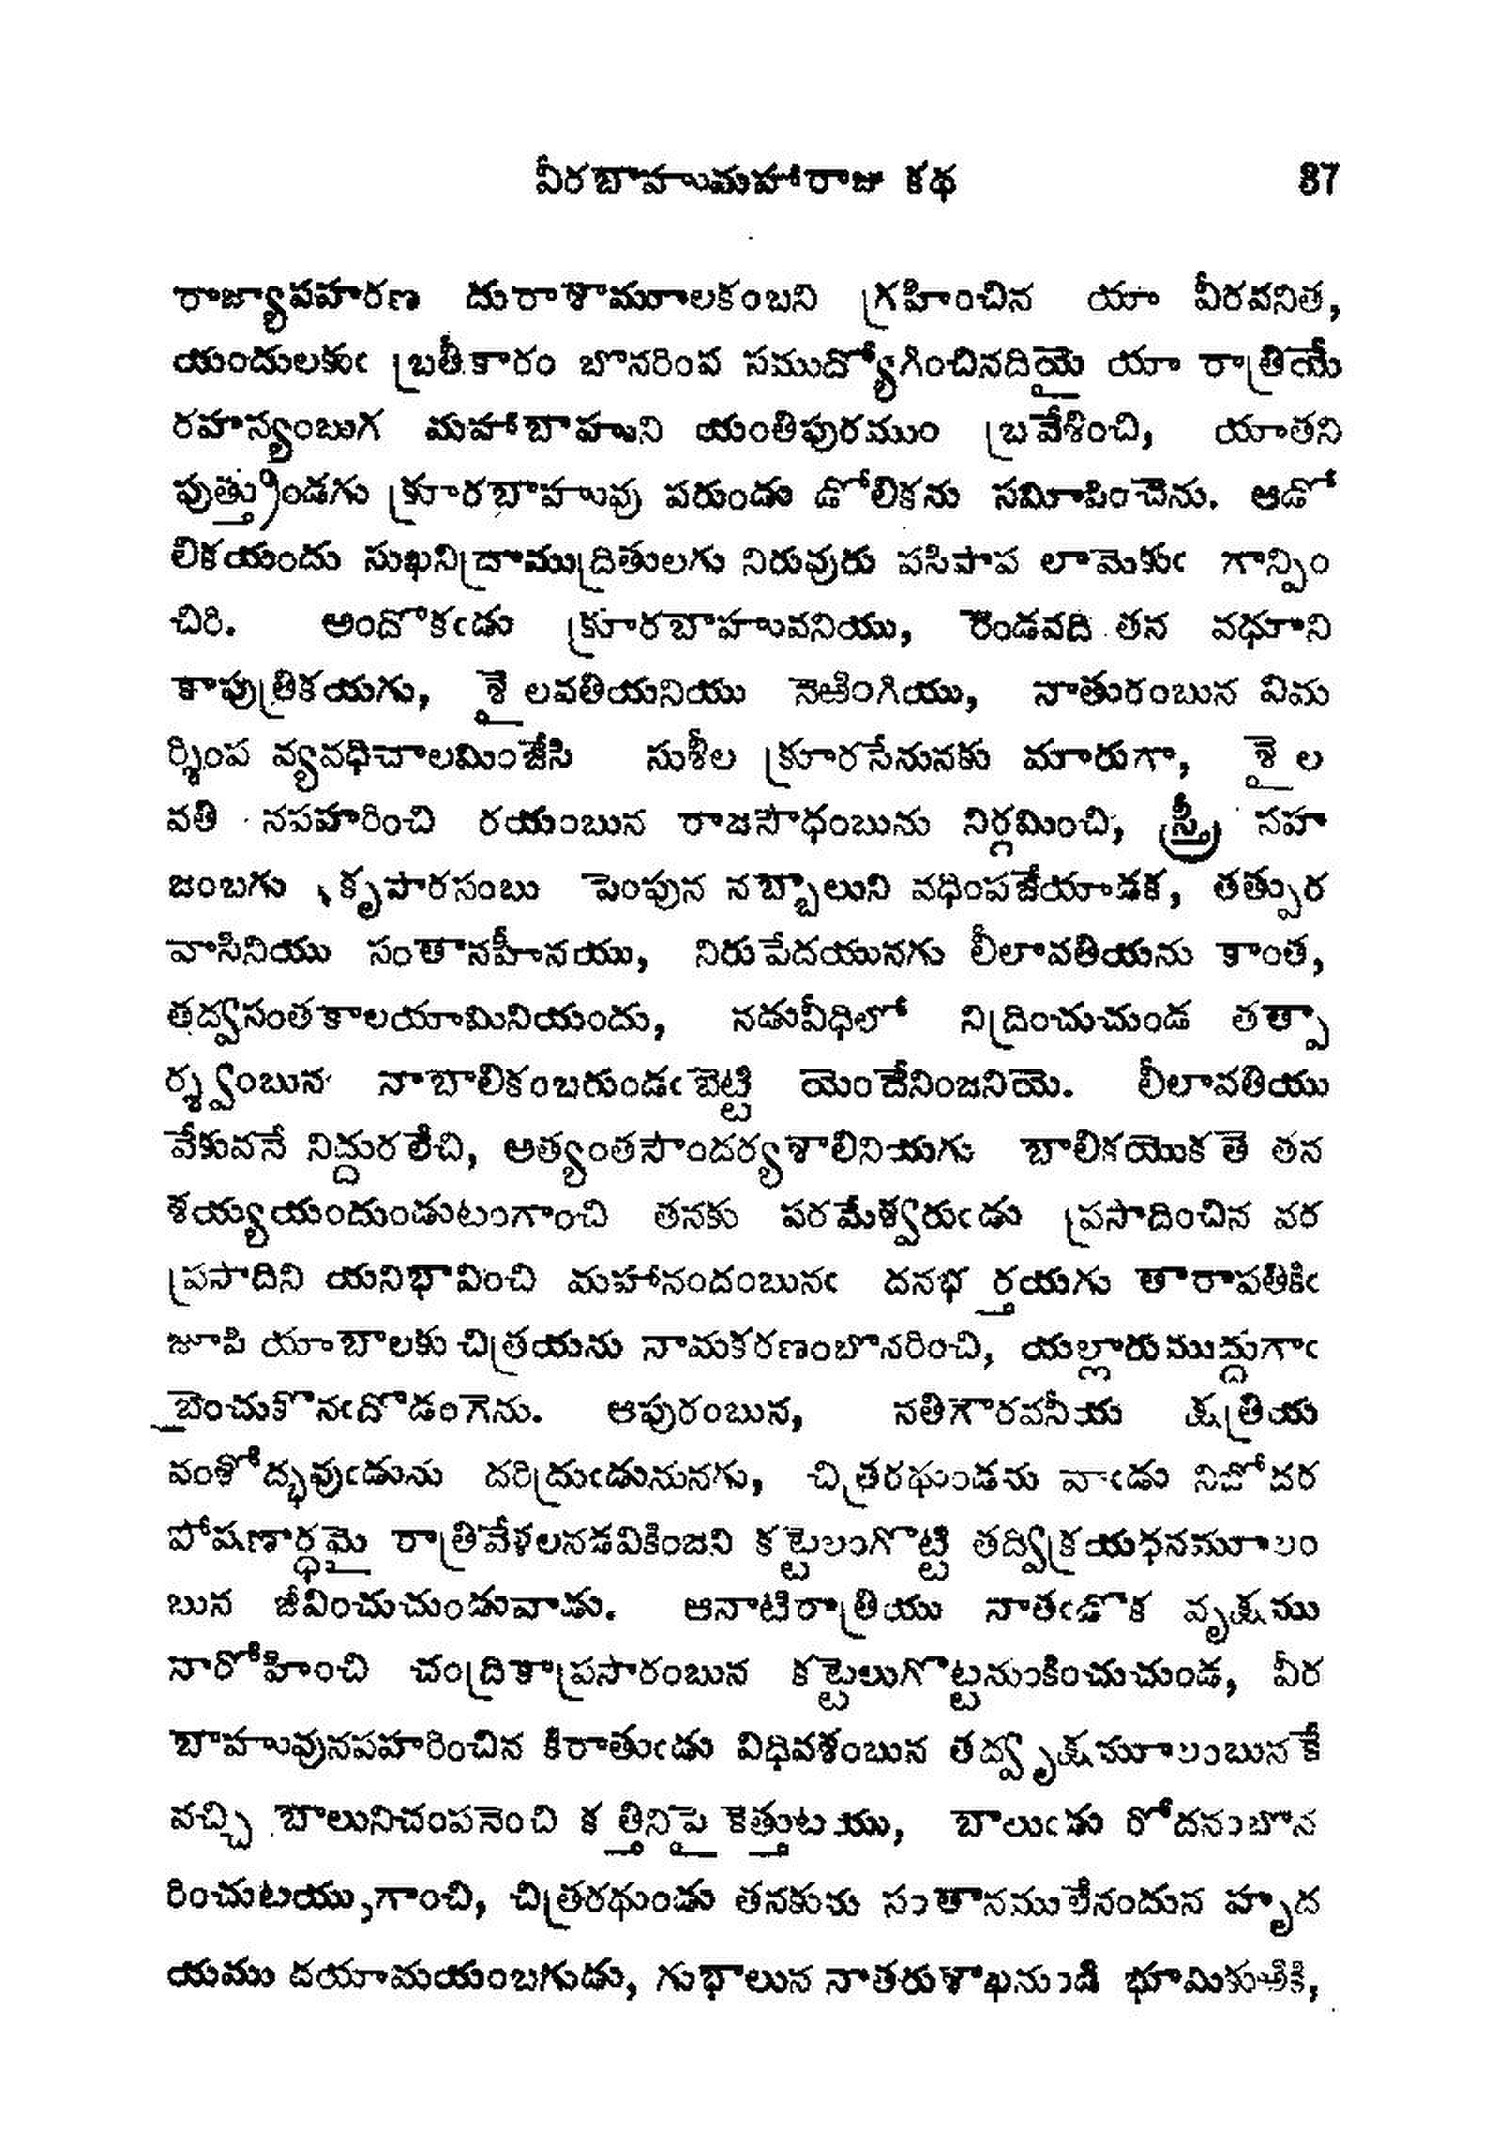రాజ్యపహరణ దురాశామూలకంబని గ్రహించిన యా వీరవనిత,యందులకుఁ బ్రతీకారం బొనరింప సముద్యోగించినదియై యా రాత్రియే రహస్యంబుగ మహాబాహుని యంతి పురముం బ్రవేశించి, యాతని పుత్రుండగు క్రూరబాహువు పరుండు డోలికను సమీపించెను. ఆడోలికయందు సుఖనిద్రాముద్రితులగు నిరువురు పసిపాప లామెకుఁ గాన్పించిరి. అందొకఁడు క్రూరబాహువనియు, రెండవది తన వధూనికాపుత్రికయగు, శైలవతియనియు నెఱింగియు, నాతురంబున విమర్శింప వ్యవధి చాలమింజేసి సుశీల క్రూరసేనునకు మారుగా, శైలవతి నపహరించి రయంబున రాజసౌధంబును నిర్గమించి, స్త్రీ సహజంబగు , కృపారసంబు పెంపున నబ్బాలుని వధింపజేయాడక, తత్పుర వాసినియు సంతానహీనయు, నిరుపేదయునగు లీలావతియను కాంత, తద్వసంత కాలయామినియందు, నడువీధిలో నిద్రించుచుండ తత్పార్శ్వంబున నాబాలికంబరుండఁ బెట్టి యెందేనింజనియె. లీలావతియు వేకువనే నిద్దుర లేచి, అత్యంత సౌందర్యశాలినియగు బాలిక యొకతె తన
శయ్యయందుండుటంగాంచి తనకు పరమేశ్వరుఁడు ప్రసాదించిన వరప్రసాదిని యని భావించి మహానందంబునఁ దనభర్తయగు తారాపతికిఁ జూపి యాబాలకు చిత్రయను నామకరణంబొనరించి, యల్లారు ముద్దుగాఁ బెంచుకొనఁదొడంగెను. ఆపురంబున, నతిగౌరవనీయ క్షత్రియ వంశోద్భవుఁడును దరిద్రుఁడునునగు, చిత్రరథుండను వాఁడు నిజోదర పోషణార్ధమై రాత్రివేళల నదవికింజని కట్టెలంగొట్టి తద్విక్రయధనమూలంబున జీవించుచుండువాడు, ఆనాటి రాత్రియు నాతఁడొక వృక్షము
నారోహించి చంద్రికా ప్రసారంబున కట్టెలుగొట్టనుంకించుచుండ, వీరబాహువునపహరించిన కిరాతుఁడు విధివశంబున తద్వృక్షమూలంబునకే వచ్చి బాలునిచంపనెంచి కత్తినిపై కెత్తుటయు, బాలుఁడు రోదనం బొనరించుటయుగాంచి, చిత్రరథుండు తనకును సంతానము లేనందున హృదయము దయామయంబగుడు, గుభాలున నాతరు శాఖనుడి భూమికుఱికి,